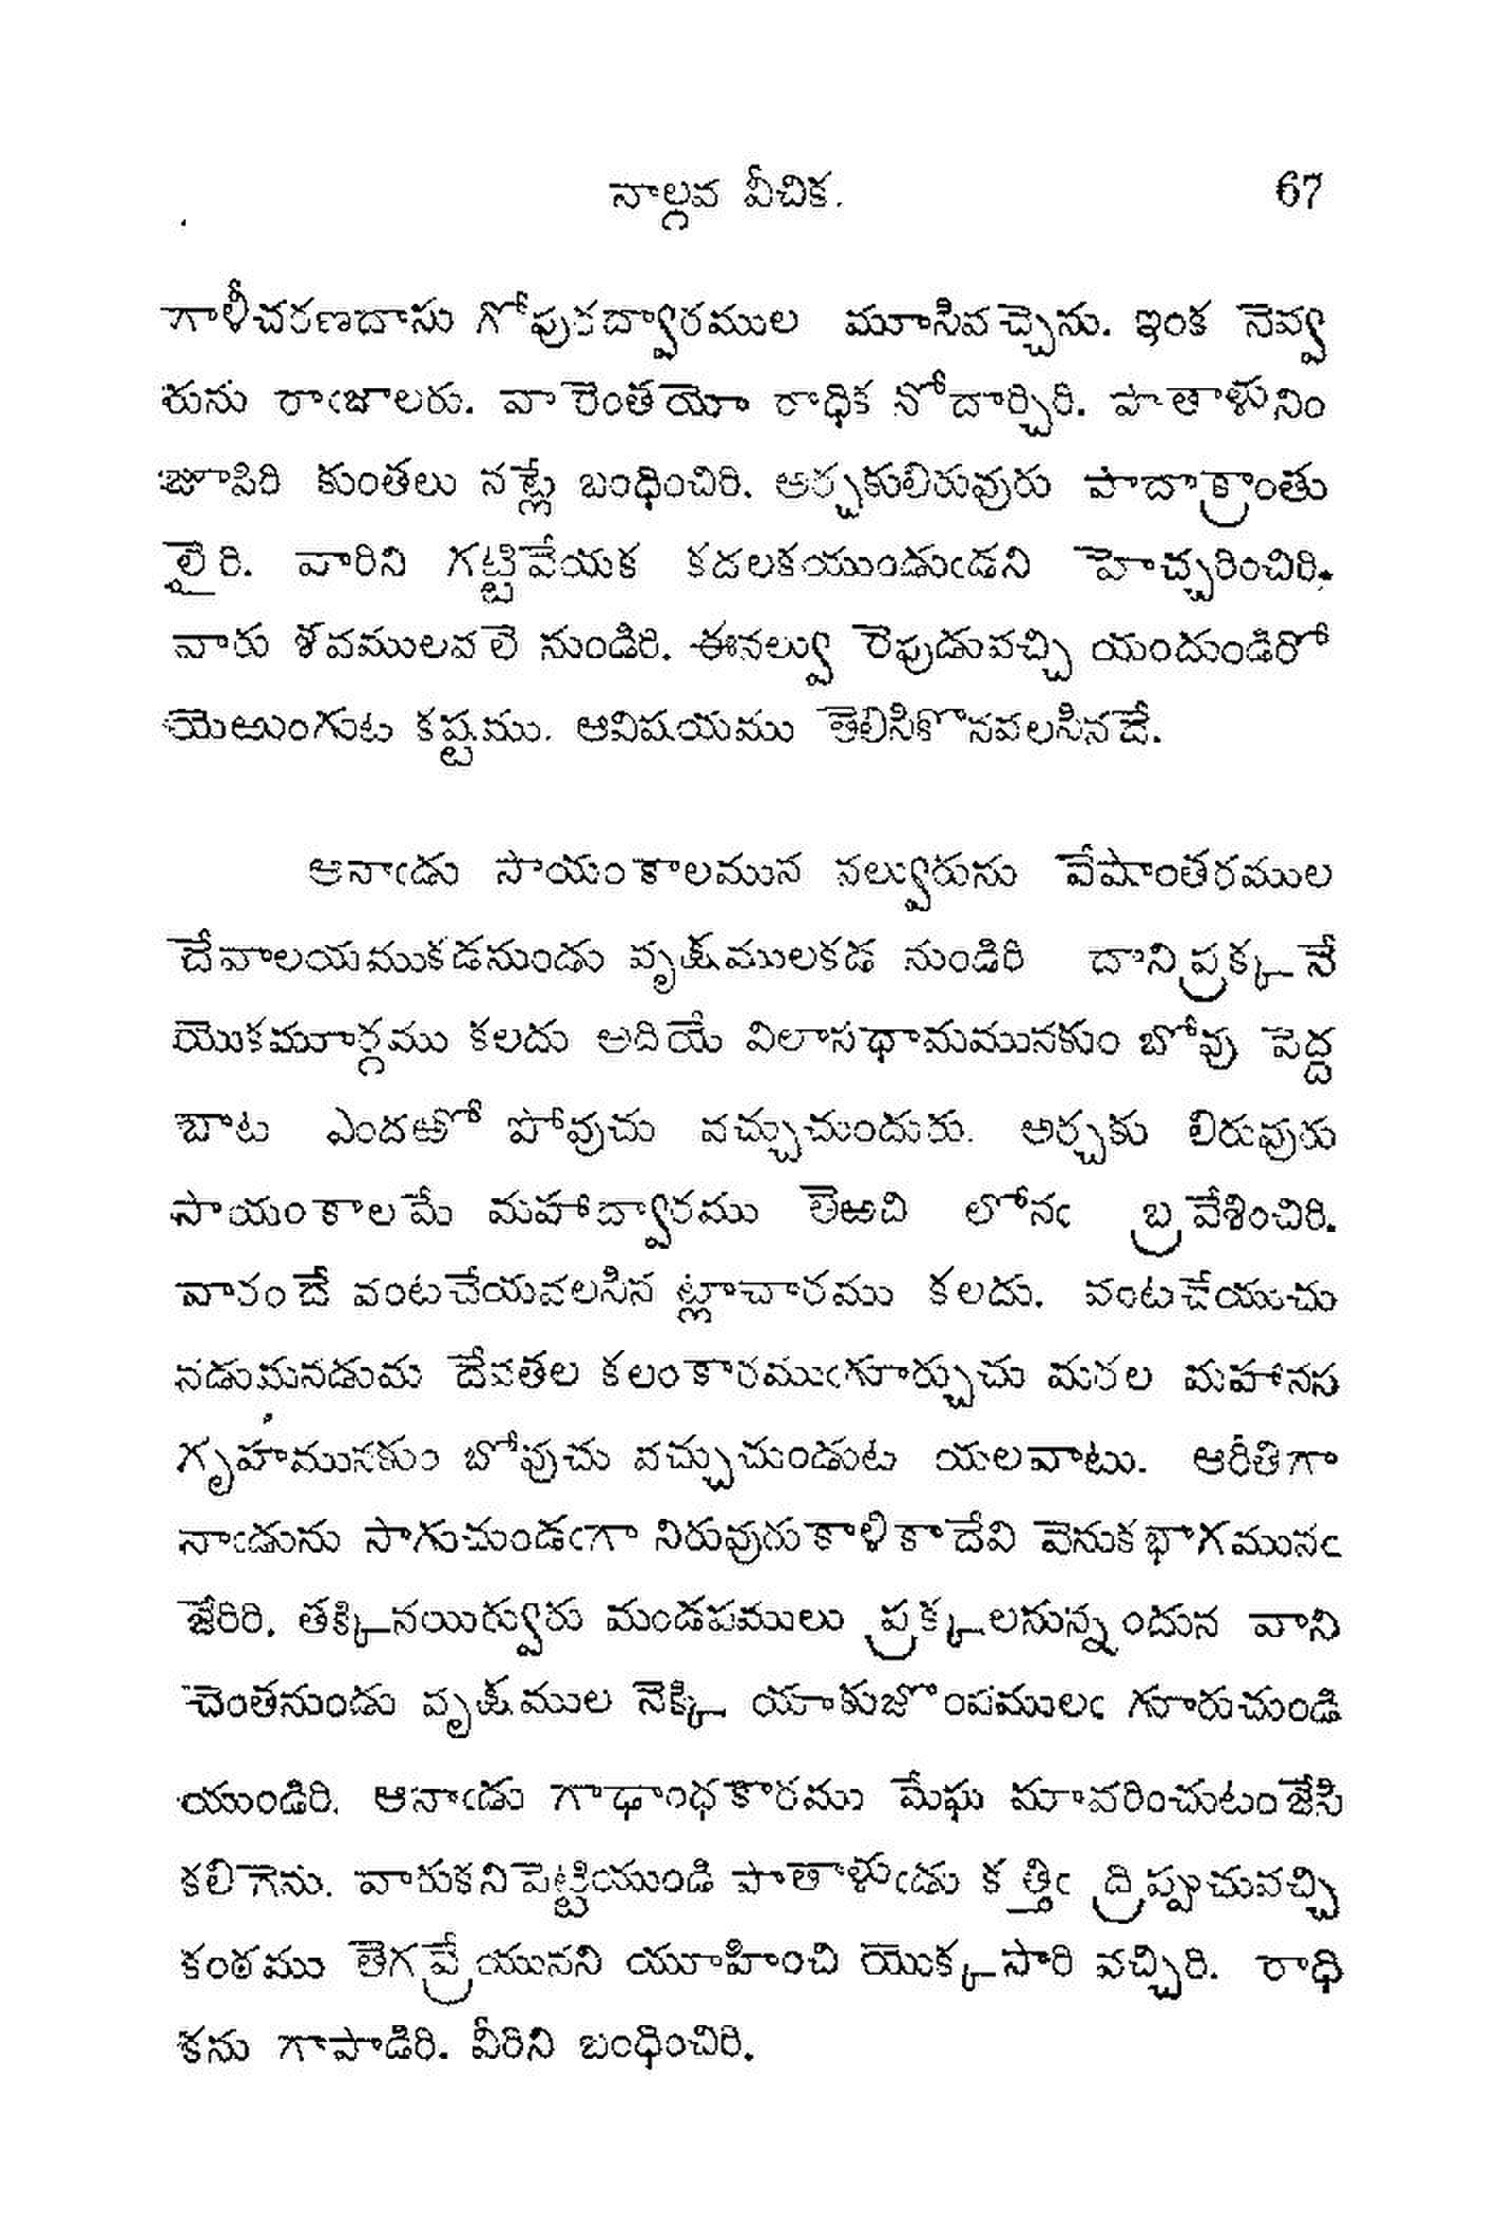గాళీచరణదాసు గోపురద్వారముల మూసివచ్చెను. ఇంక నెవ్వరును రాఁజాలరు. వారెంతయో రాధిక నోదార్చిరి. పాతాళునిం జూపిరి కుంతలు నల్లే బంధించిరి, అర్చకులిరువురు పాదాక్రాంతు లైరి. వారిని గట్టివేయక కదలకయుండుఁడని హెచ్చరించిరి. వారు శవములవలె నుండిరి. ఈనల్వురేపుడువచ్చి యందుండిరో యేఱుంగుట కష్టము. ఆవిషయము తెలిసికొనవలసినదే.

ఆనాఁడు సాయంకాలమున నల్వురును వేషాంతరముల దేవాలయముకడనుండు వృక్షములకడ నుండిరి దాని ప్రక్కనే యొకమార్గము కలదు అదియే విలాస ధామమునకుం బోవు పెద్ద బాట ఎందఱో పోవుచు వచ్చుచుందురు. అర్చకు లిరువురు సాయంకాలమే మహాద్వారము తెఱచి లోనఁ బ్రవేశించిరి. వారందే వంట చేయవలసిన ట్లాచారము కలదు. వంటచేయుచు నడుమనడుమ దేవతల కలంకారముఁగూర్చుచు మరల మహానస గృహమునకు బోవుచు వచ్చుచుండుట యలవాటు. ఆరీతిగా నాఁడును సాగుచుండఁగా నిరువురు కాళికాదేవి వెనుక భాగమునఁ జేరిరి. తక్కినయిర్వురు మండపములు ప్రక్కలనున్నందున వానీ చెంతనుండు వృక్షముల నెక్కి యాకుజొంపములఁ గూరుచుండి యుండిరి. ఆనాఁడు గాఢాంధకారము మేఘ మావరించుటం జేసి కలిగెను. వారుకని పెట్టియుండి పాతాళుఁడు కత్తిఁ ద్రిప్పుచువచ్చి కంఠము తెగ వ్రేయునని యూహించి యొక్క సారి వచ్చిరి. రాధికను గాపాడిరి. వీరిని బంధించిరి.